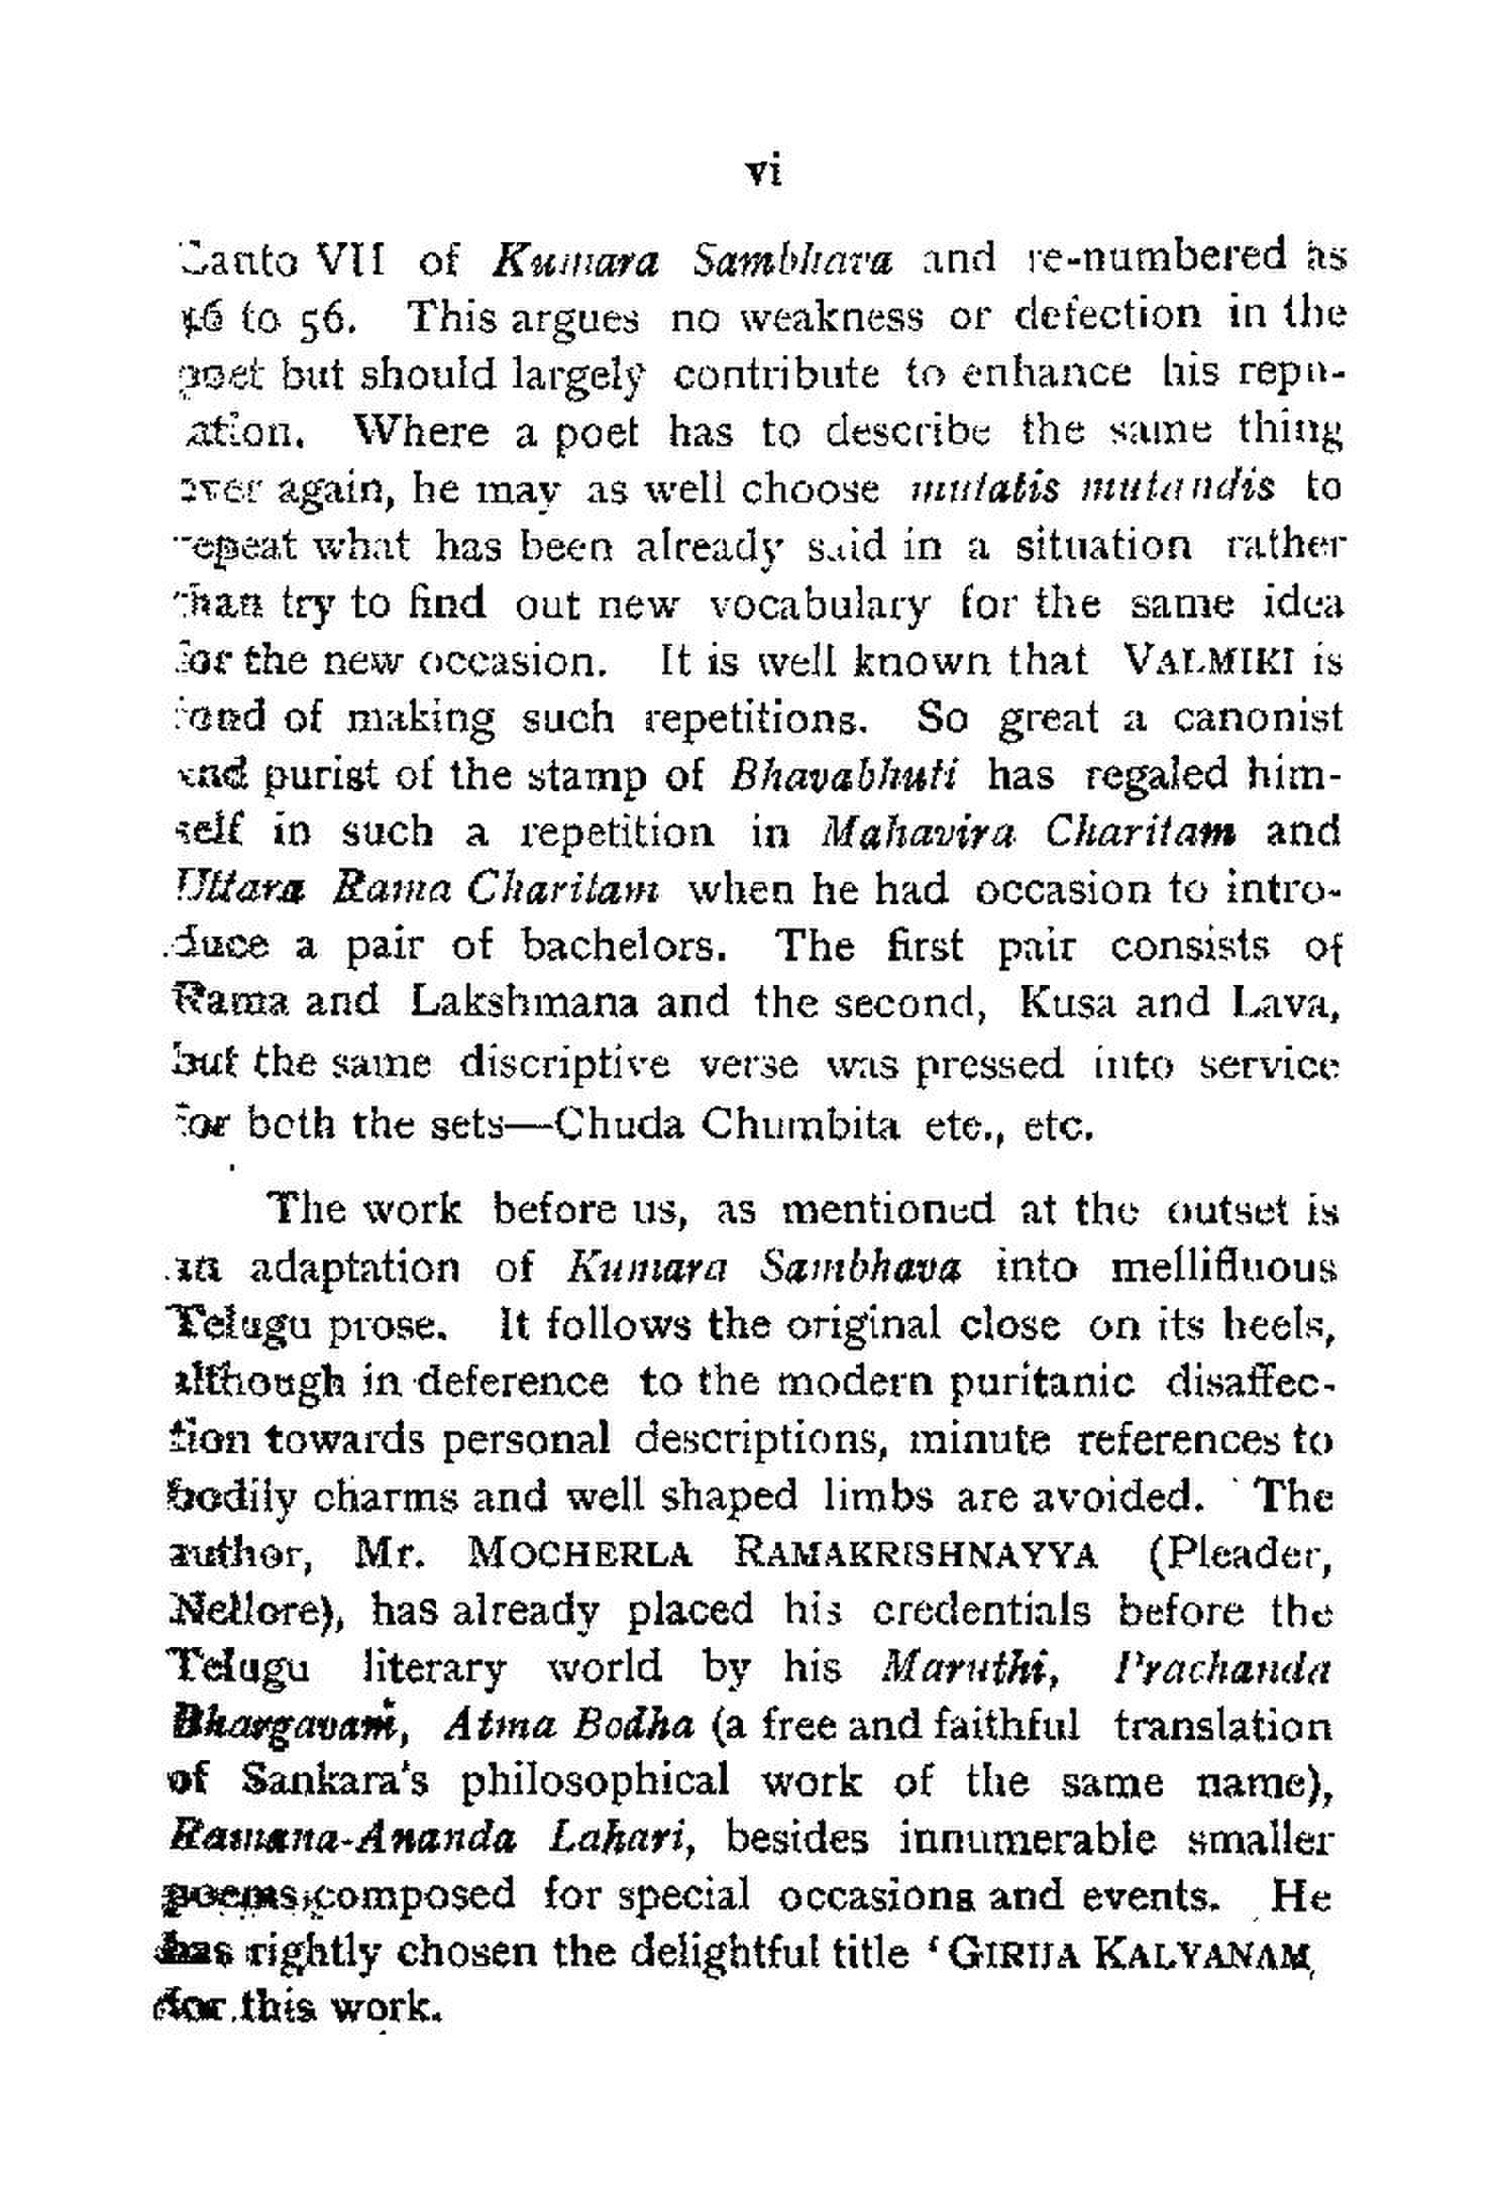Canto VII of Kumara Sambhava and re-numbered as 6 to 56. This argues no weakness or defection in the poet but should largely contribute to enhance his reputation. Where a poet has to describe the same thing over again, he may as well choose mutatis mutandis to repeat what has been already said in a situation rather than try to find out new vocabulary for the same idea for the new occasion. It is well known that VALMIKI is fond of making such repetitions. So great a canonist and purist of the stamp of Bhavabhuti has regaled himself in such a repetition in Mahavira Charitam and
Uttara Rama Charitam when he had occasion to introduce a pair of bachelors. The first pair consists of Rama and Lakshmana and the second, Kusa and Lava, but the same discriptive verse was pressed into service for both the sets-Chuda Chumbita etc., etc.

The work before us, as mentioned at the outset is in adaptation of Kumara Sambhava into mellifluous Telugu prose. It follows the original close on its heels, although in deference to the modern puritanic disaffection towards personal descriptions, minute references to bodily charms and well shaped limbs are avoided. The author, Mr. MOCHERLA RAMAKRISHNAYYA (Pleader, Nellore), has already placed his credentials before the Telugu literary world by his Maruthi, Prachanda
Bhargavam, Atma Bodha (a free and faithful translation of Sankara's philosophical work of the same name), Ramana-Ananda Lahari, besides innumerable smaller poems composed for special occasions and events. He has rightly chosen the delightful title 'GIRIJA KALYANAM, for this work.